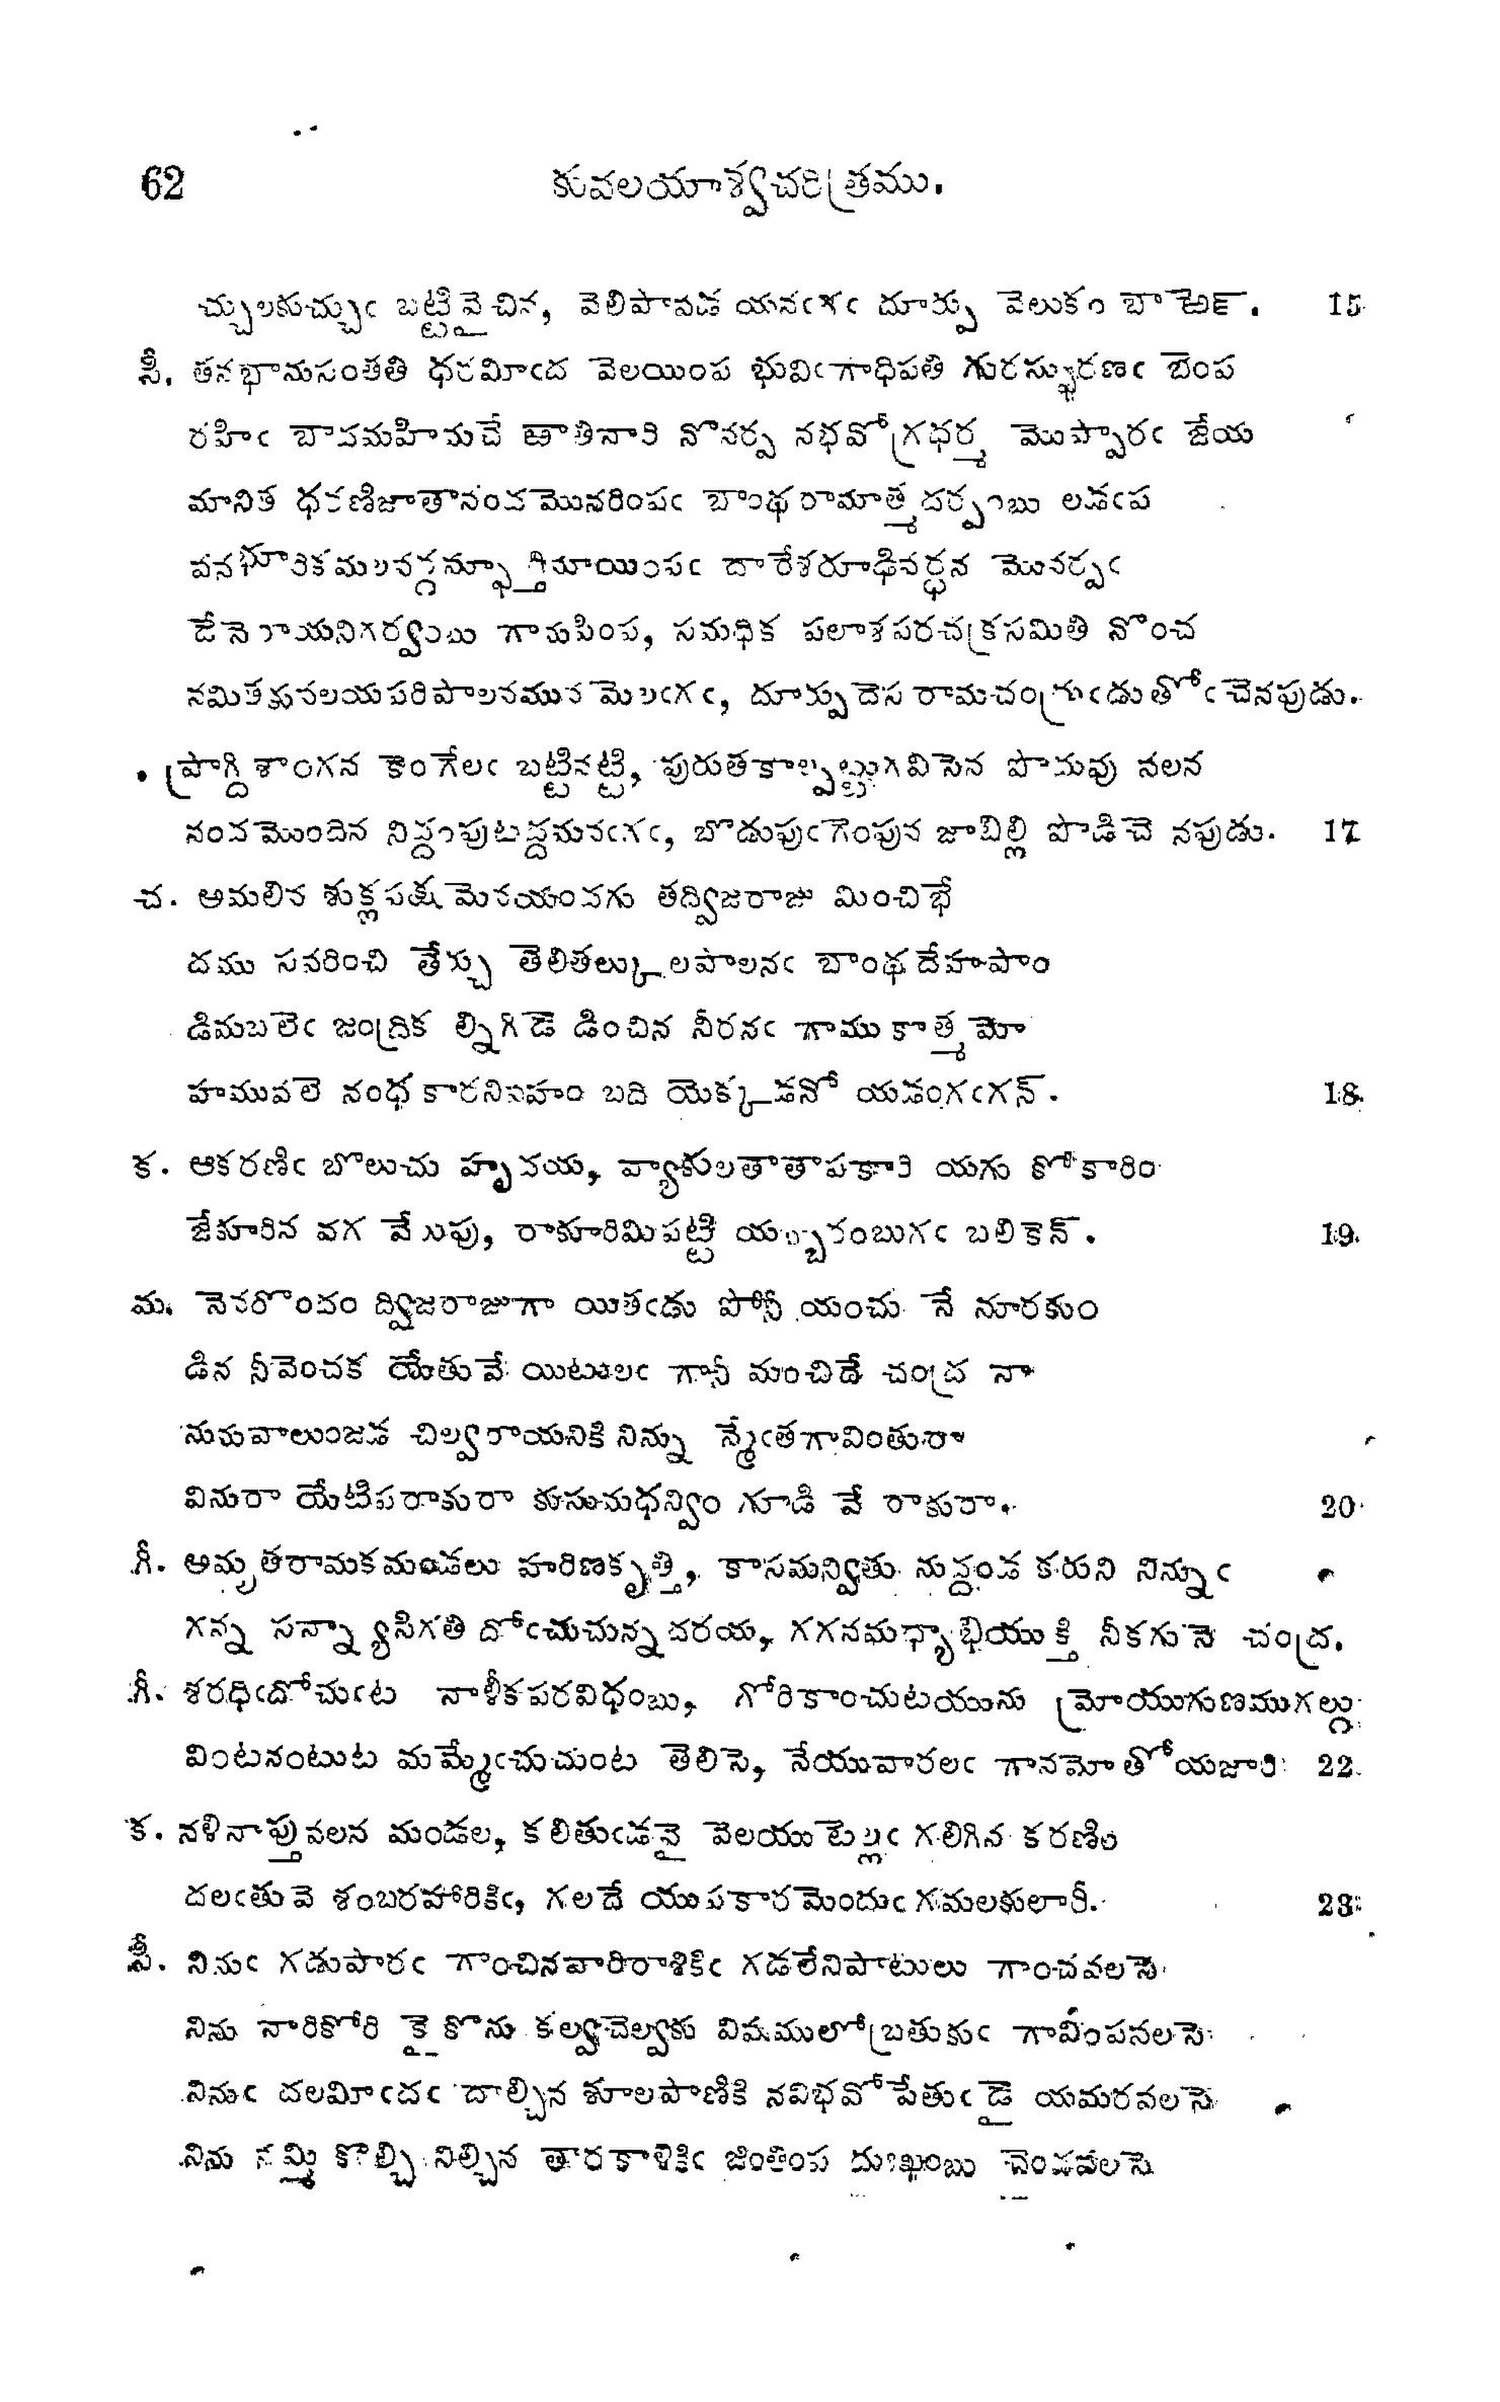చ్చులకుచ్చుఁ బట్టివైచిన, వెలిపావడ యనఁగఁ దూర్పు వెలుకం బాఱెన్.
సీ. తనభానుసంతతి ధరమీఁద వెలయింప భువిఁ గాధిపతి గురస్ఫురణఁ బెంప
రహిఁ బాదమహిమచే ఱాతినారి నొనర్ప నభవోగ్రధర్మ మొప్పారఁజేయ
మానితధరణిజాతానంద మొనరింపఁ బాంథరామాత్మదర్పంబు లడఁప
వనభూరికమలవర్గస్ఫూర్తి మాయింపఁ దారేశరూఢివర్ధన మొనర్పఁ
దేనెరాయనిగర్వంబు గానుపింప, సమధికపలాశపరచక్రసమితి నొంచ
నమితకువలయపరిపాలనమున మెలఁగఁ, దూర్పుదెస రామచంద్రుఁడు తోఁచె నపుడు.
గీ. ప్రాగ్దిశాంగన కెంగేలఁ బట్టినట్టి, పురుతకాలపట్టుగవిసెన పొదువు వలన
నందమొందెి నిద్దంపుటద్ద మనఁగఁ, బొడుపుఁగెంపున జాబిల్లి పొడిచె నపుడు.
చ. అమలిన శుక్లపక్ష మెనయందగు తద్విజరాజు మించి భే
దము సవరించి తేర్చు తెలితల్కులపాలనఁ బాంథదేహపాం
డిమబలెఁ జంద్రిక ల్నిగిడె డించిన నీరనఁ గాముకాత్మమో
హమువలె నంధకారనివహం బది యెక్కడనో యడంగఁగన్.
క. ఆకరణిఁ బొలుచు హృదయ, వ్యాకులతాతాపకారి యగు కోకారిం
జేకూరిన వగ వేలుపు, రాకూరిమిపట్టి యబ్బరంబుగఁ బలికెన్.
మ. నెనరొందం ద్విజరాజుగా యితఁడు పోనీ యంచు నే నూరకుం
డిన నీ వెంచక యేతువే యిటులఁ గానీ మంచిదే చంద్ర నా
నునువాలుంజడ చిల్వరాయనికి నిన్ను న్మేఁత గావింతురా
వినురా యేటి పరాకురా కుసుముధన్విం గూడి వే రాకురా.
గీ. అమృతరామకమండలు హరిణకృత్తి, కాసమన్వితు నుద్దండకరుని నిన్ను
గన్న సన్న్యాసిగతి దోఁచుచున్న దరయ, గగనమధ్యాభియుక్తి నీ కగునె చంద్ర.
గీ. శరధిఁ దోచుఁట నాళీకపరవిధంబు, గోరి కాంచుటయును మ్రోయుగుణము గల్గు
వింటనంటుట మమ్మేఁచుచుంట తెలిసె, నేయువారలఁ గానమో తోయజారి.
క. నళినాప్తువలన మండల, కలితుఁడవై వెలయుటెల్లఁ గలిగిన కరణిం
దలఁతువె శంబరహారికిఁ, గలదే యుపకార మెందుఁ గమలకులారీ.
సీ. నినుఁ గడుపారఁ గాంచినవారిరాశికిఁ గడలేనిపాటులు గాంచవలసె
నిను నారికోరి కైకొను కల్వచెల్వకు విషములో బ్రతుకుఁ గావింపవలసె
నినుఁ దలమీఁదఁ దాల్చిన శూలపాణికి నవిభవోపేతుఁడై యమరవలసె
నిను నమ్మి కొల్చి నిల్చిన తారకాళికిఁ జింతింప దుఃఖంబు చెందవలసె